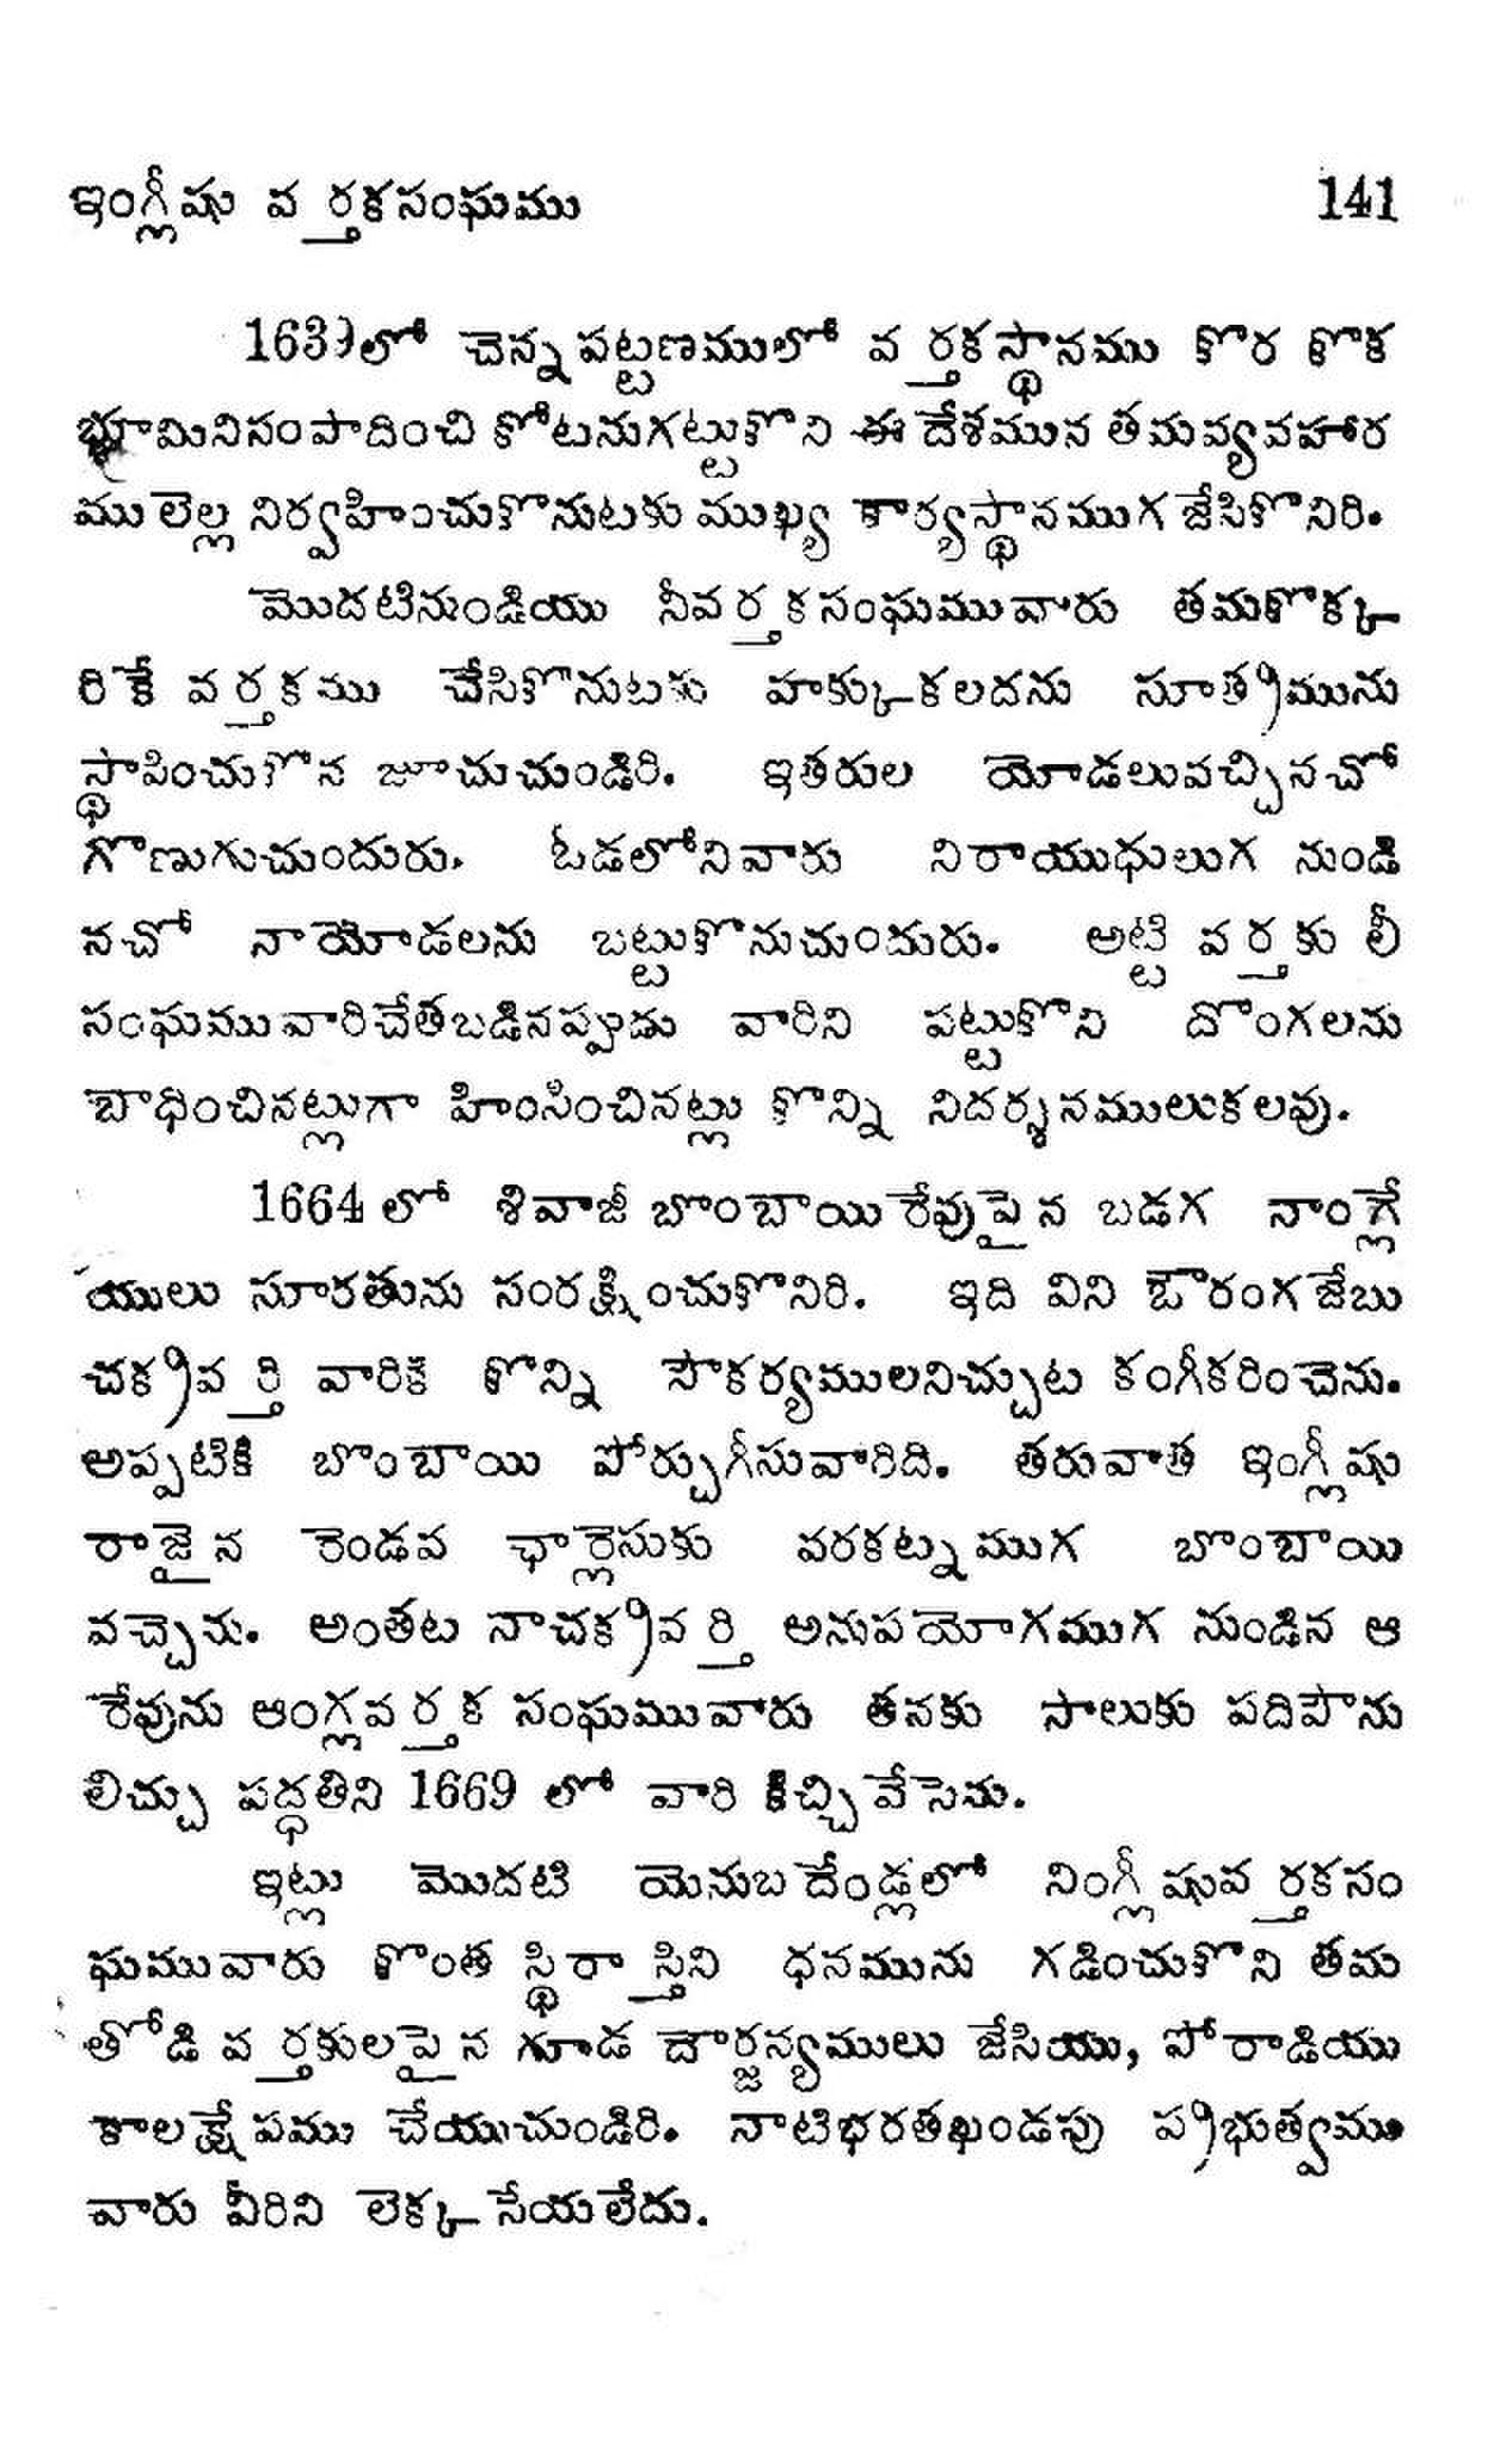1639లో చెన్నపట్టణములో వర్తకస్థానము కొర కొకభూమినిసంపాదించి కోటనుగట్టుకొని ఈదేశమున తమవ్యవహారము లెల్ల నిర్వహించుకొనుటకు ముఖ్య కార్యస్థానముగజేసికొనిరి.

మొదటినుండియు నీవర్తకసంఘమువారు తమకొక్కరికే వర్తకము చేసికొనుటకు హక్కుకలదను సూత్రమును స్థాపించుకొన జూచుచుండిరి. ఇతరుల యోడలువచ్చినచో గొణుగుచుందురు. ఓడలోనివారు నిరాయుధులుగ నుండినచో నాయోడలను బట్టుకొనుచుందురు. అట్టి వర్తకు లీ సంఘమువారిచేతబడినప్పుడు వారిని పట్టుకొని దొంగలను బాధించినట్లుగా హింసించినట్లు కొన్ని నిదర్శనములుకలవు.

1664 లో శివాజీ బొంబాయి రేవుపైన బడగ నాంగ్లేయులు సూరతును సంరక్షించుకొనిరి. ఇది విని ఔరంగజేబు చక్రవర్తి వారికి కొన్ని సౌకర్యములనిచ్చుట కంగీకరించెను. అప్పటికి బొంబాయి పోర్చుగీసువారిది. తరువాత ఇంగ్లీషు రాజైన రెండవ ఛార్లెసుకు వరకట్నముగ బొంబాయి వచ్చెను. అంతట నాచక్రవ ర్తి అనుపయోగముగ నుండిన ఆరేవును ఆంగ్లవర్తక సంఘమువారు తనకు సాలుకు పదిపౌను లిచ్చు పద్ధతిని 1669 లో వారి కిచ్చి వేసెను.

ఇట్లు మొదటి యెనుబ దేండ్లలో నింగ్లీషువర్తకసంఘమువారు కొంత స్థిరాస్తిని ధనమును గడించుకొని తమ తోడి వర్తకులపైన గూడ దౌర్జన్యములు జేసియు, పోరాడియు కాలక్షేపము చేయుచుండిరి. నాటిభరతఖండపు ప్రభుత్వము వారు వీరిని లెక్క సేయలేదు.